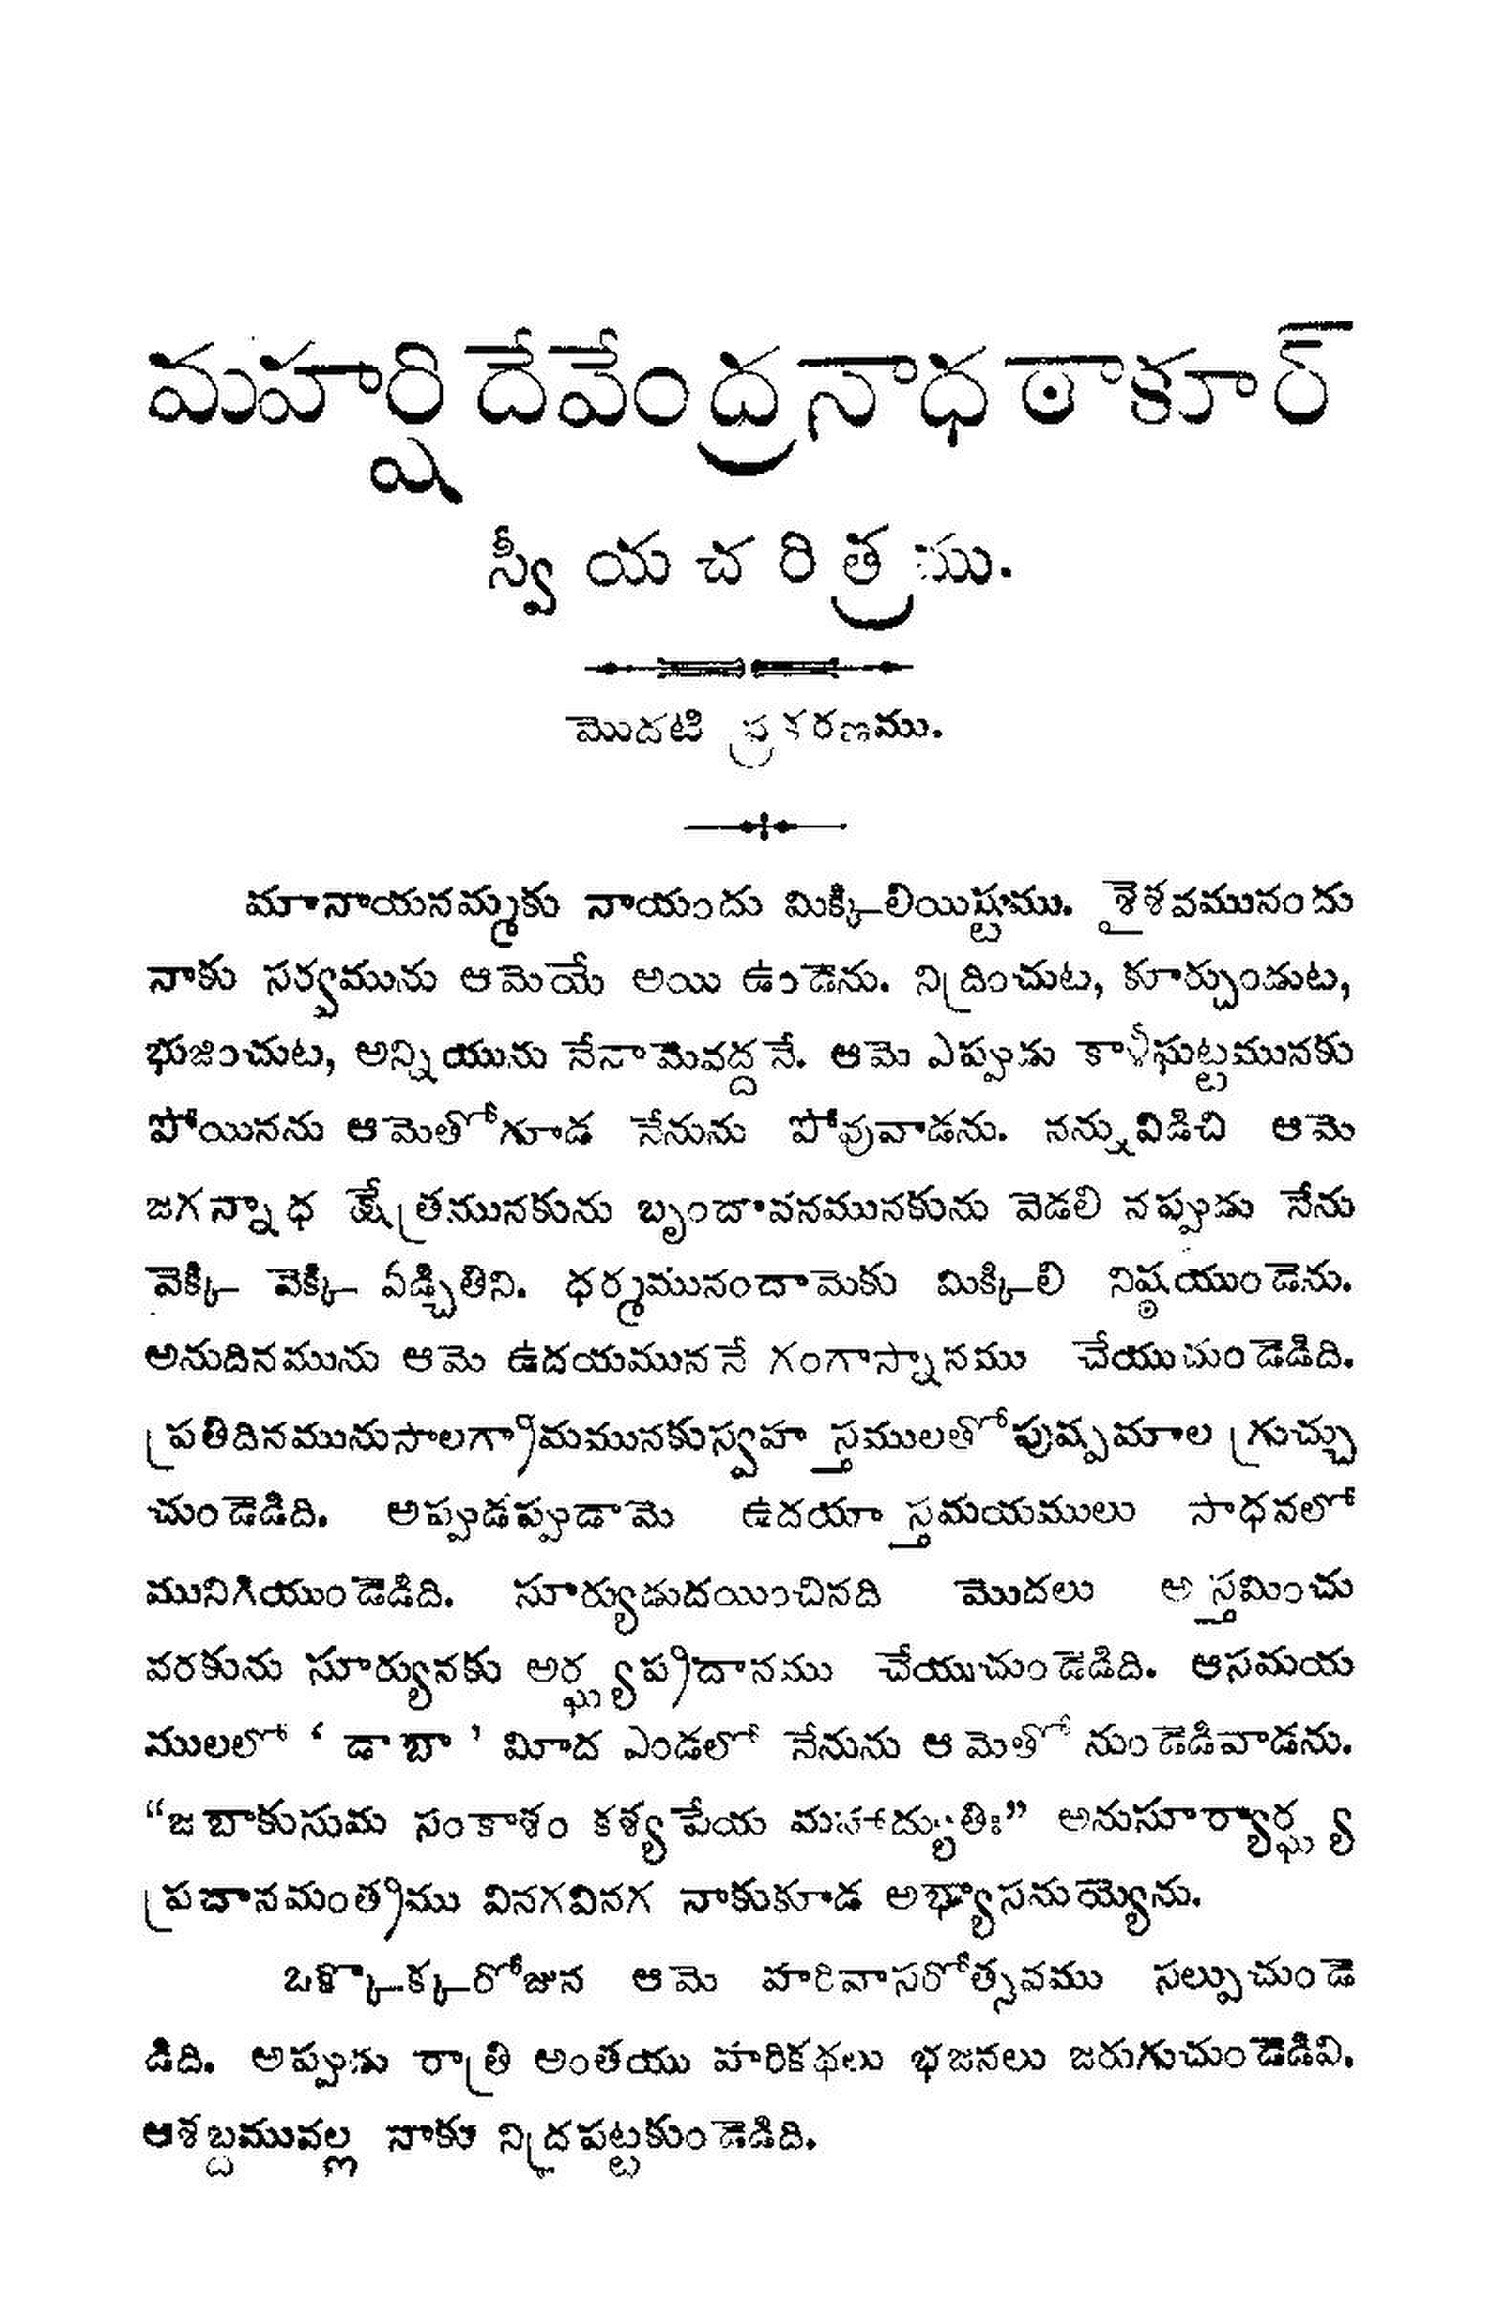మానాయనమ్మకు నాయందు మిక్కిలియిష్టము. శైశవమునందు నాకు సర్వమును ఆమెయే అయి ఉండెను. నిద్రించుట, కూర్చుండుట, భుజించుట, అన్నియును నేనామెవద్దనే. ఆమె ఎప్పుడు కాళీ ఘట్టమునకు పోయినను ఆమెతోగూడ నేనును పోవువాడను. నన్ను విడిచి ఆమె జగన్నాధ క్షేత్రమునకును బృందావనమునకును వెడలి నప్పుడు నేను వెక్కి వెక్కి ఏడ్చితిని. ధర్మమునందామెకు మిక్కిలి నిష్ఠయుండెను. అనుదినమును ఆమె ఉదయముననే గంగాస్నానము చేయుచుండెడిది. ప్రతిదినమును సాలగ్రామమునకు స్వహస్తములతో పుష్పమాల గ్రుచ్చుచుండెడిది. అప్పుడప్పుడామె ఉదయాస్తమయములు సాధనలో మునిగియుండెడిది. సూర్యుడుదయించినది మొదలు అస్తమించు వరకును సూర్యునకు అర్ఘ్యప్రదానము చేయుచుండెడిది. ఆసమయములలో ‘డాబా’ మీద ఎండలో నేనును ఆమెతో నుండెడివాడను. “జబాకుసుమ సంకాశం కశ్యపేయ మహాద్యుతిః” అనుసూర్యార్ఘ్య ప్రధానమంతము వినగవినగ నాకుకూడ అభ్యాసనుయ్యెను.

ఒక్కొక్క రోజున ఆమె హరివాసరోత్సవము సల్పుచుండెడిది. అప్పుడు రాత్రి అంతయు హరికథలు భజనలు జరుగుచుండెడివి. ఆశబ్దమువల్ల నాకు నిద్రపట్టకుండెడిది.